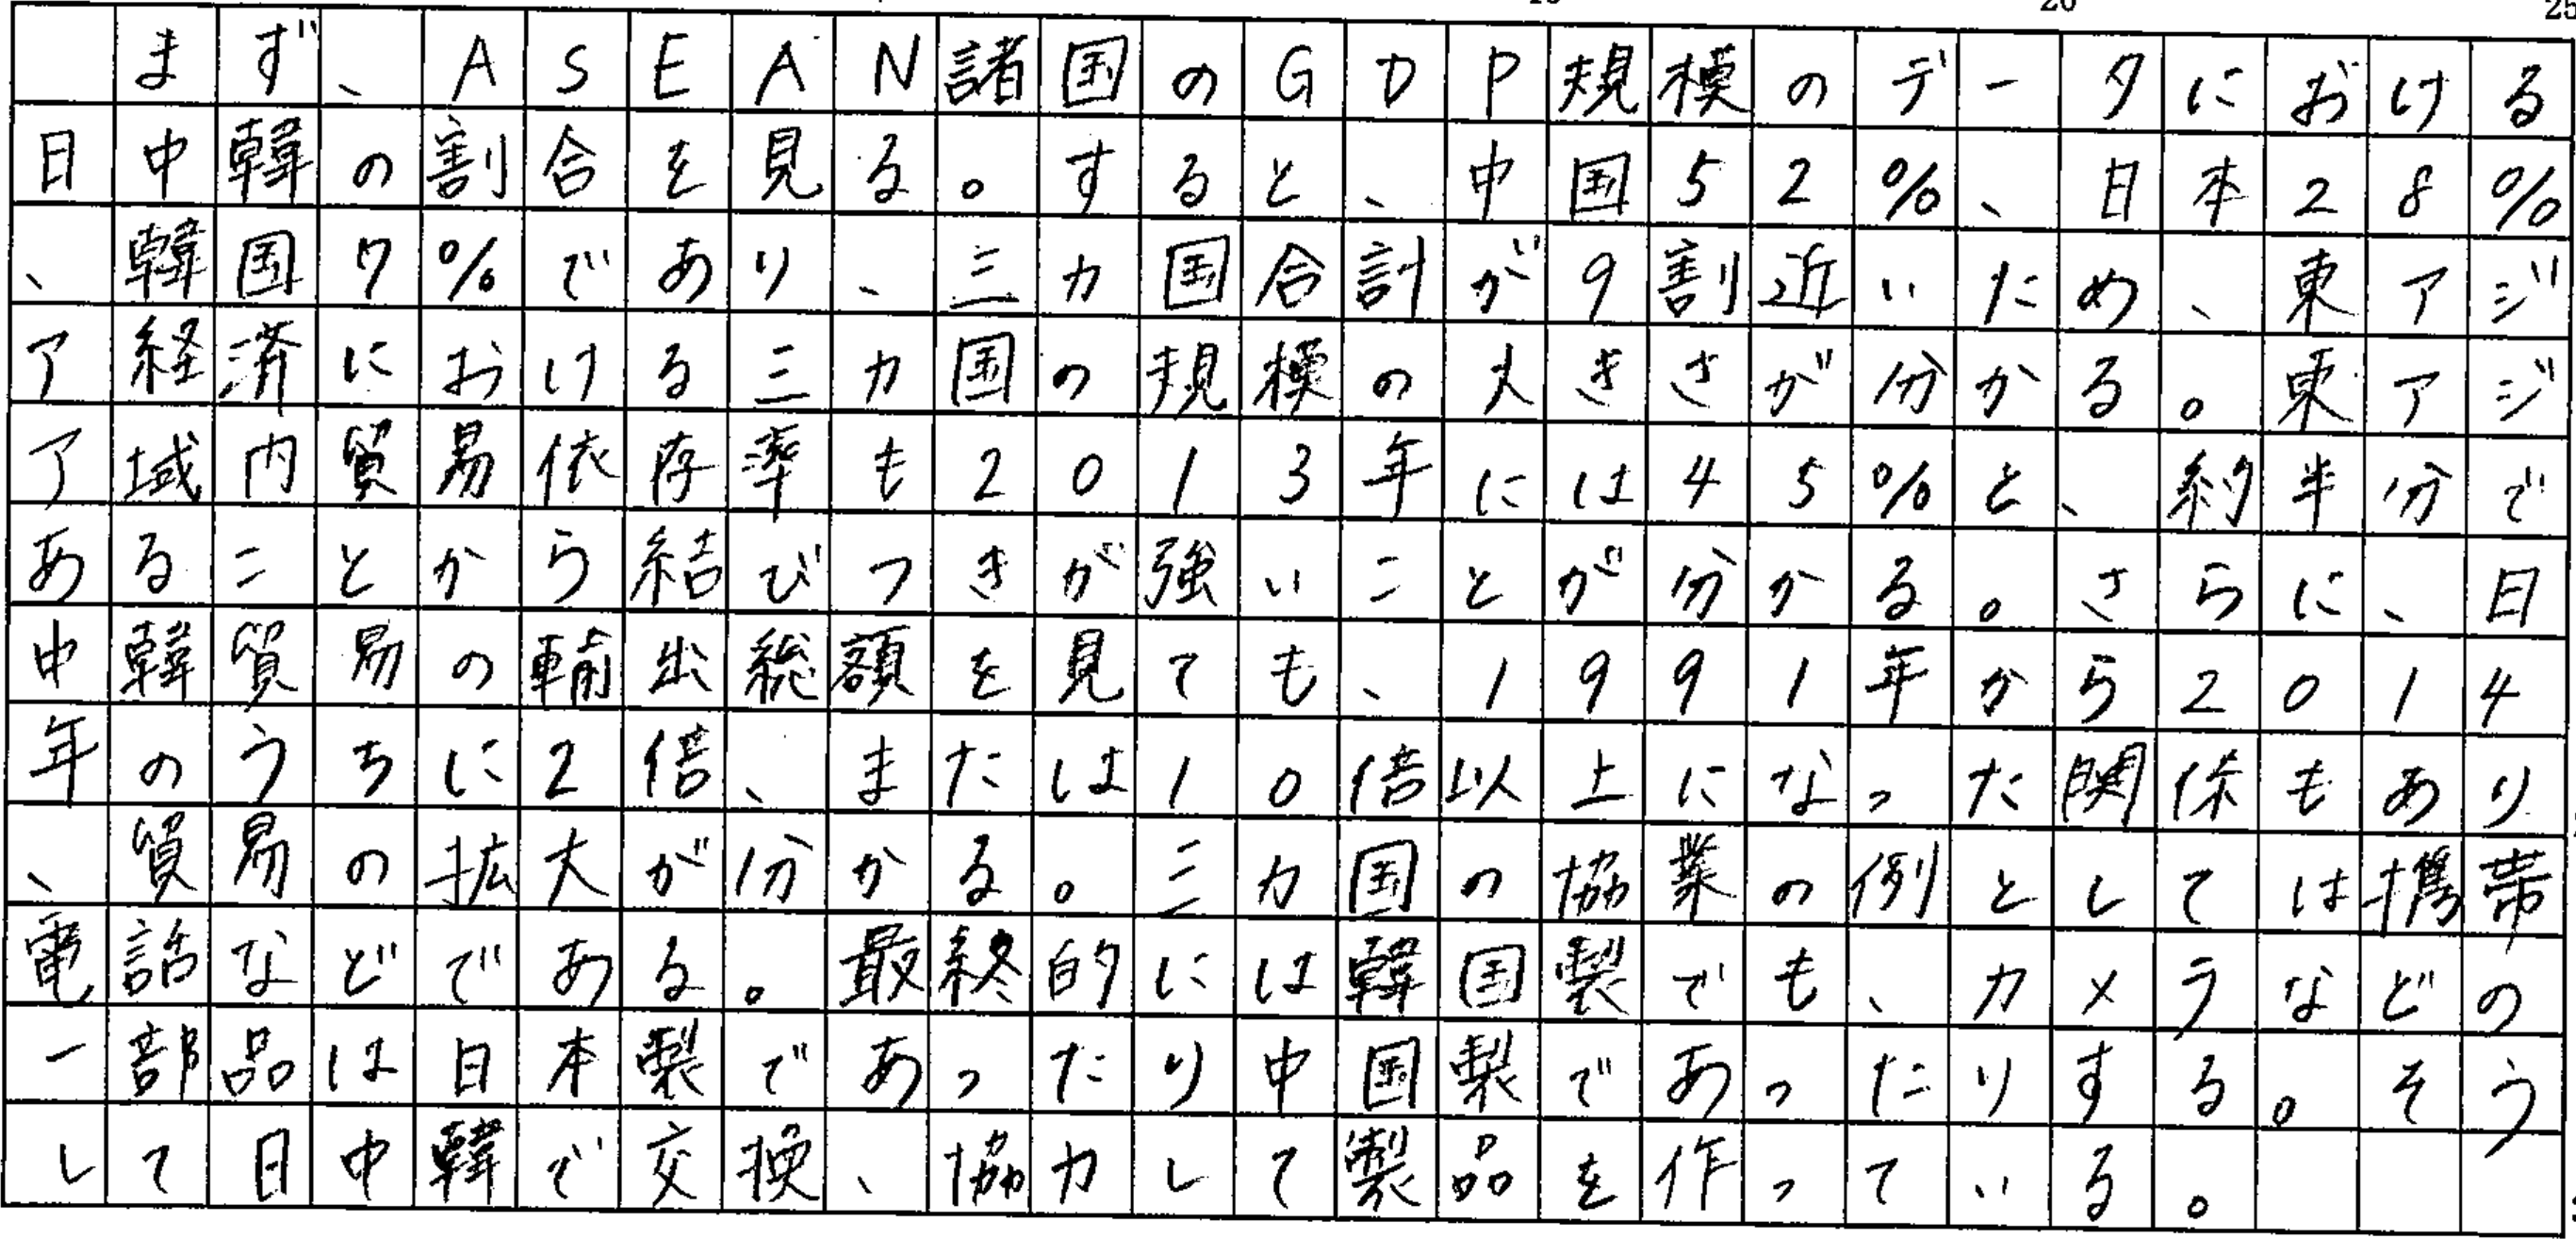　まず、ＡＳＥＡＮ諸国のＧＤＰ規模のデータにおける日中韓の割合を見る。すると、中国５２％、日本２８％、韓国７％であり、三ヵ国合計が９割近いため、東アジア経済における三ヵ国の規模の大きさが分かる。東アジア域内貿易依存率も２０１３年には４５％と、約半分であることから結びつきが強いことが分かる。さらに、日中韓貿易の輸出総額を見ても、１９９１年から２０１４年のうちに２倍、または１０倍以上になった関係もあり、貿易の拡大が分かる。三ヵ国の協業の例としては携帯電話などである。最終的には韓国製でも、カメラなどの一部品は日本製であったり中国製であったりする。そうして日中韓で交換、協力して製品を作っている。
